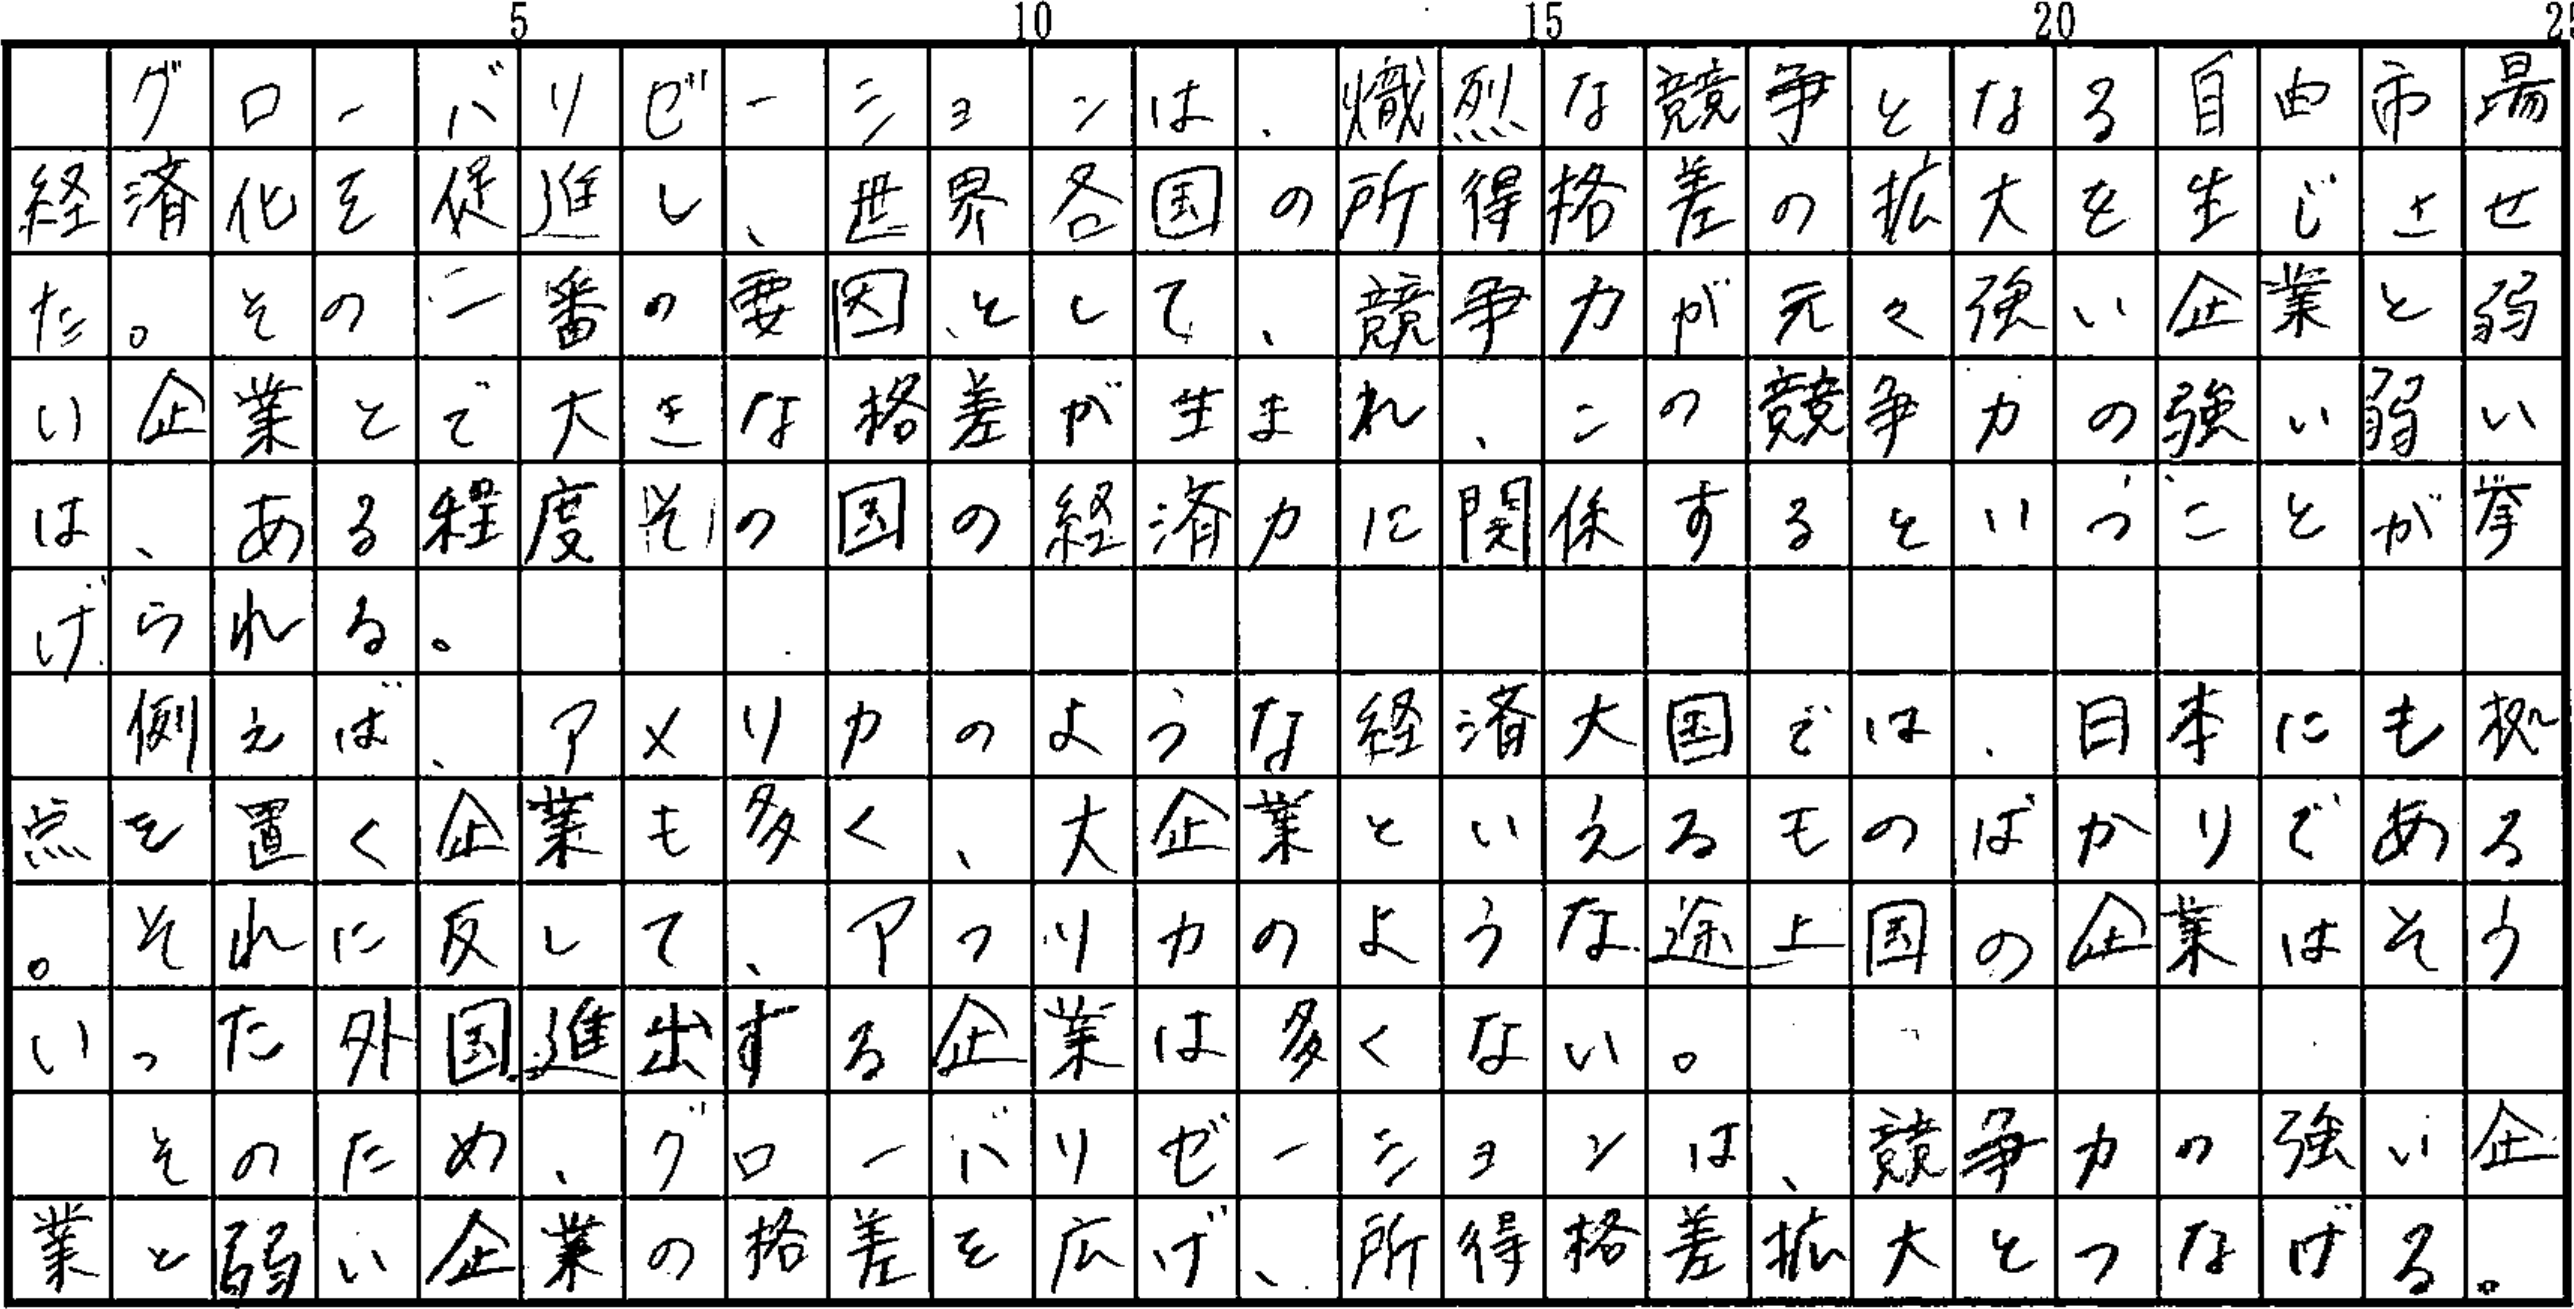　グローバリゼーションは、熾烈な競争となる自由市場経済化を促進し、世界各国の所得格差の拡大を生じさせた。その一番の要因として、競争力が元々強い企業と弱い企業とで大きな格差が生まれ、この競争力の強い弱いは、ある程度その国の経済力に関係するということが挙げられる。
　例えば、アメリカのような経済大国では、日本にも拠点を置く企業も多く、大企業といえるものばかりである。それに反して、アフリカのような途上国の企業はそういった外国進出する企業は多くない。
　そのため、グローバリゼーションは、競争力の強い企業と弱い企業の格差を広げ、所得格差拡大とつなげる。
